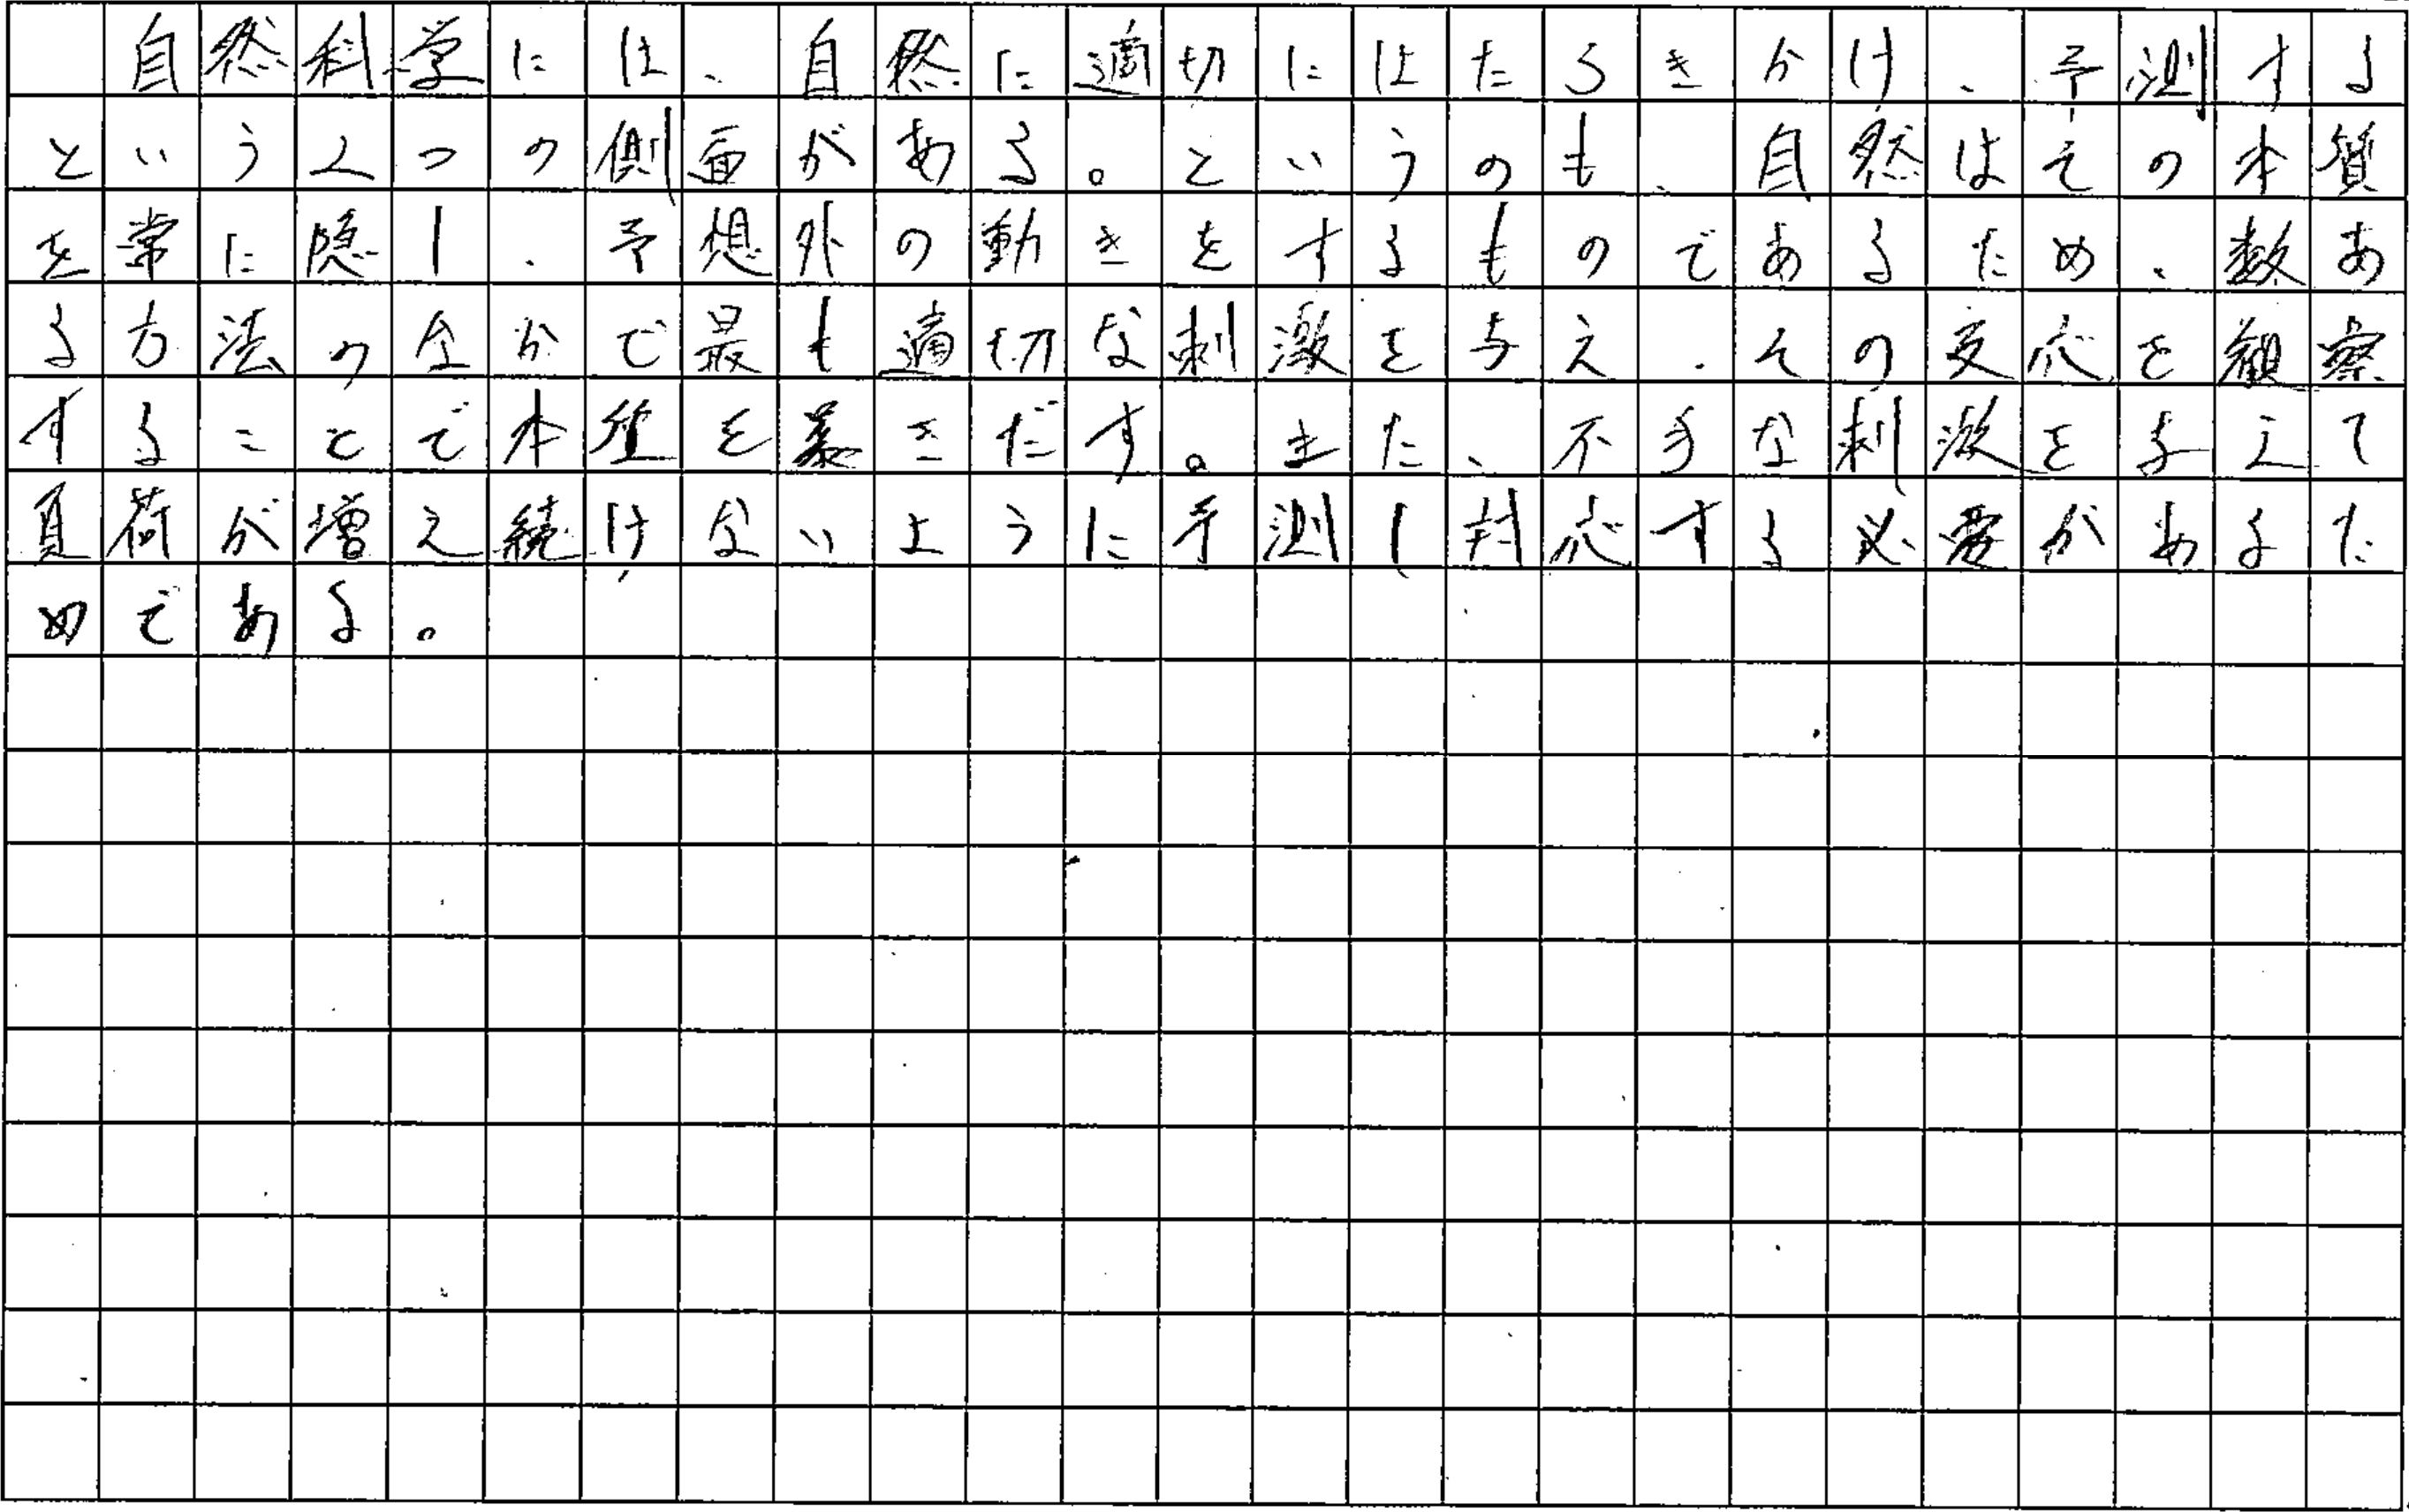　自然科学には、自然に適切にはたらきかけ、予測するという２つの側面がある。というのも、自然はその本質を常に隠し、予想外の動きをするものであるため、数ある方法のなかで最も適切な刺激を与え、その反応を観察することで本質を暴きだす。また、不手な刺激を与えて負荷が増え続けないように予測し対応する必要があるためである。
